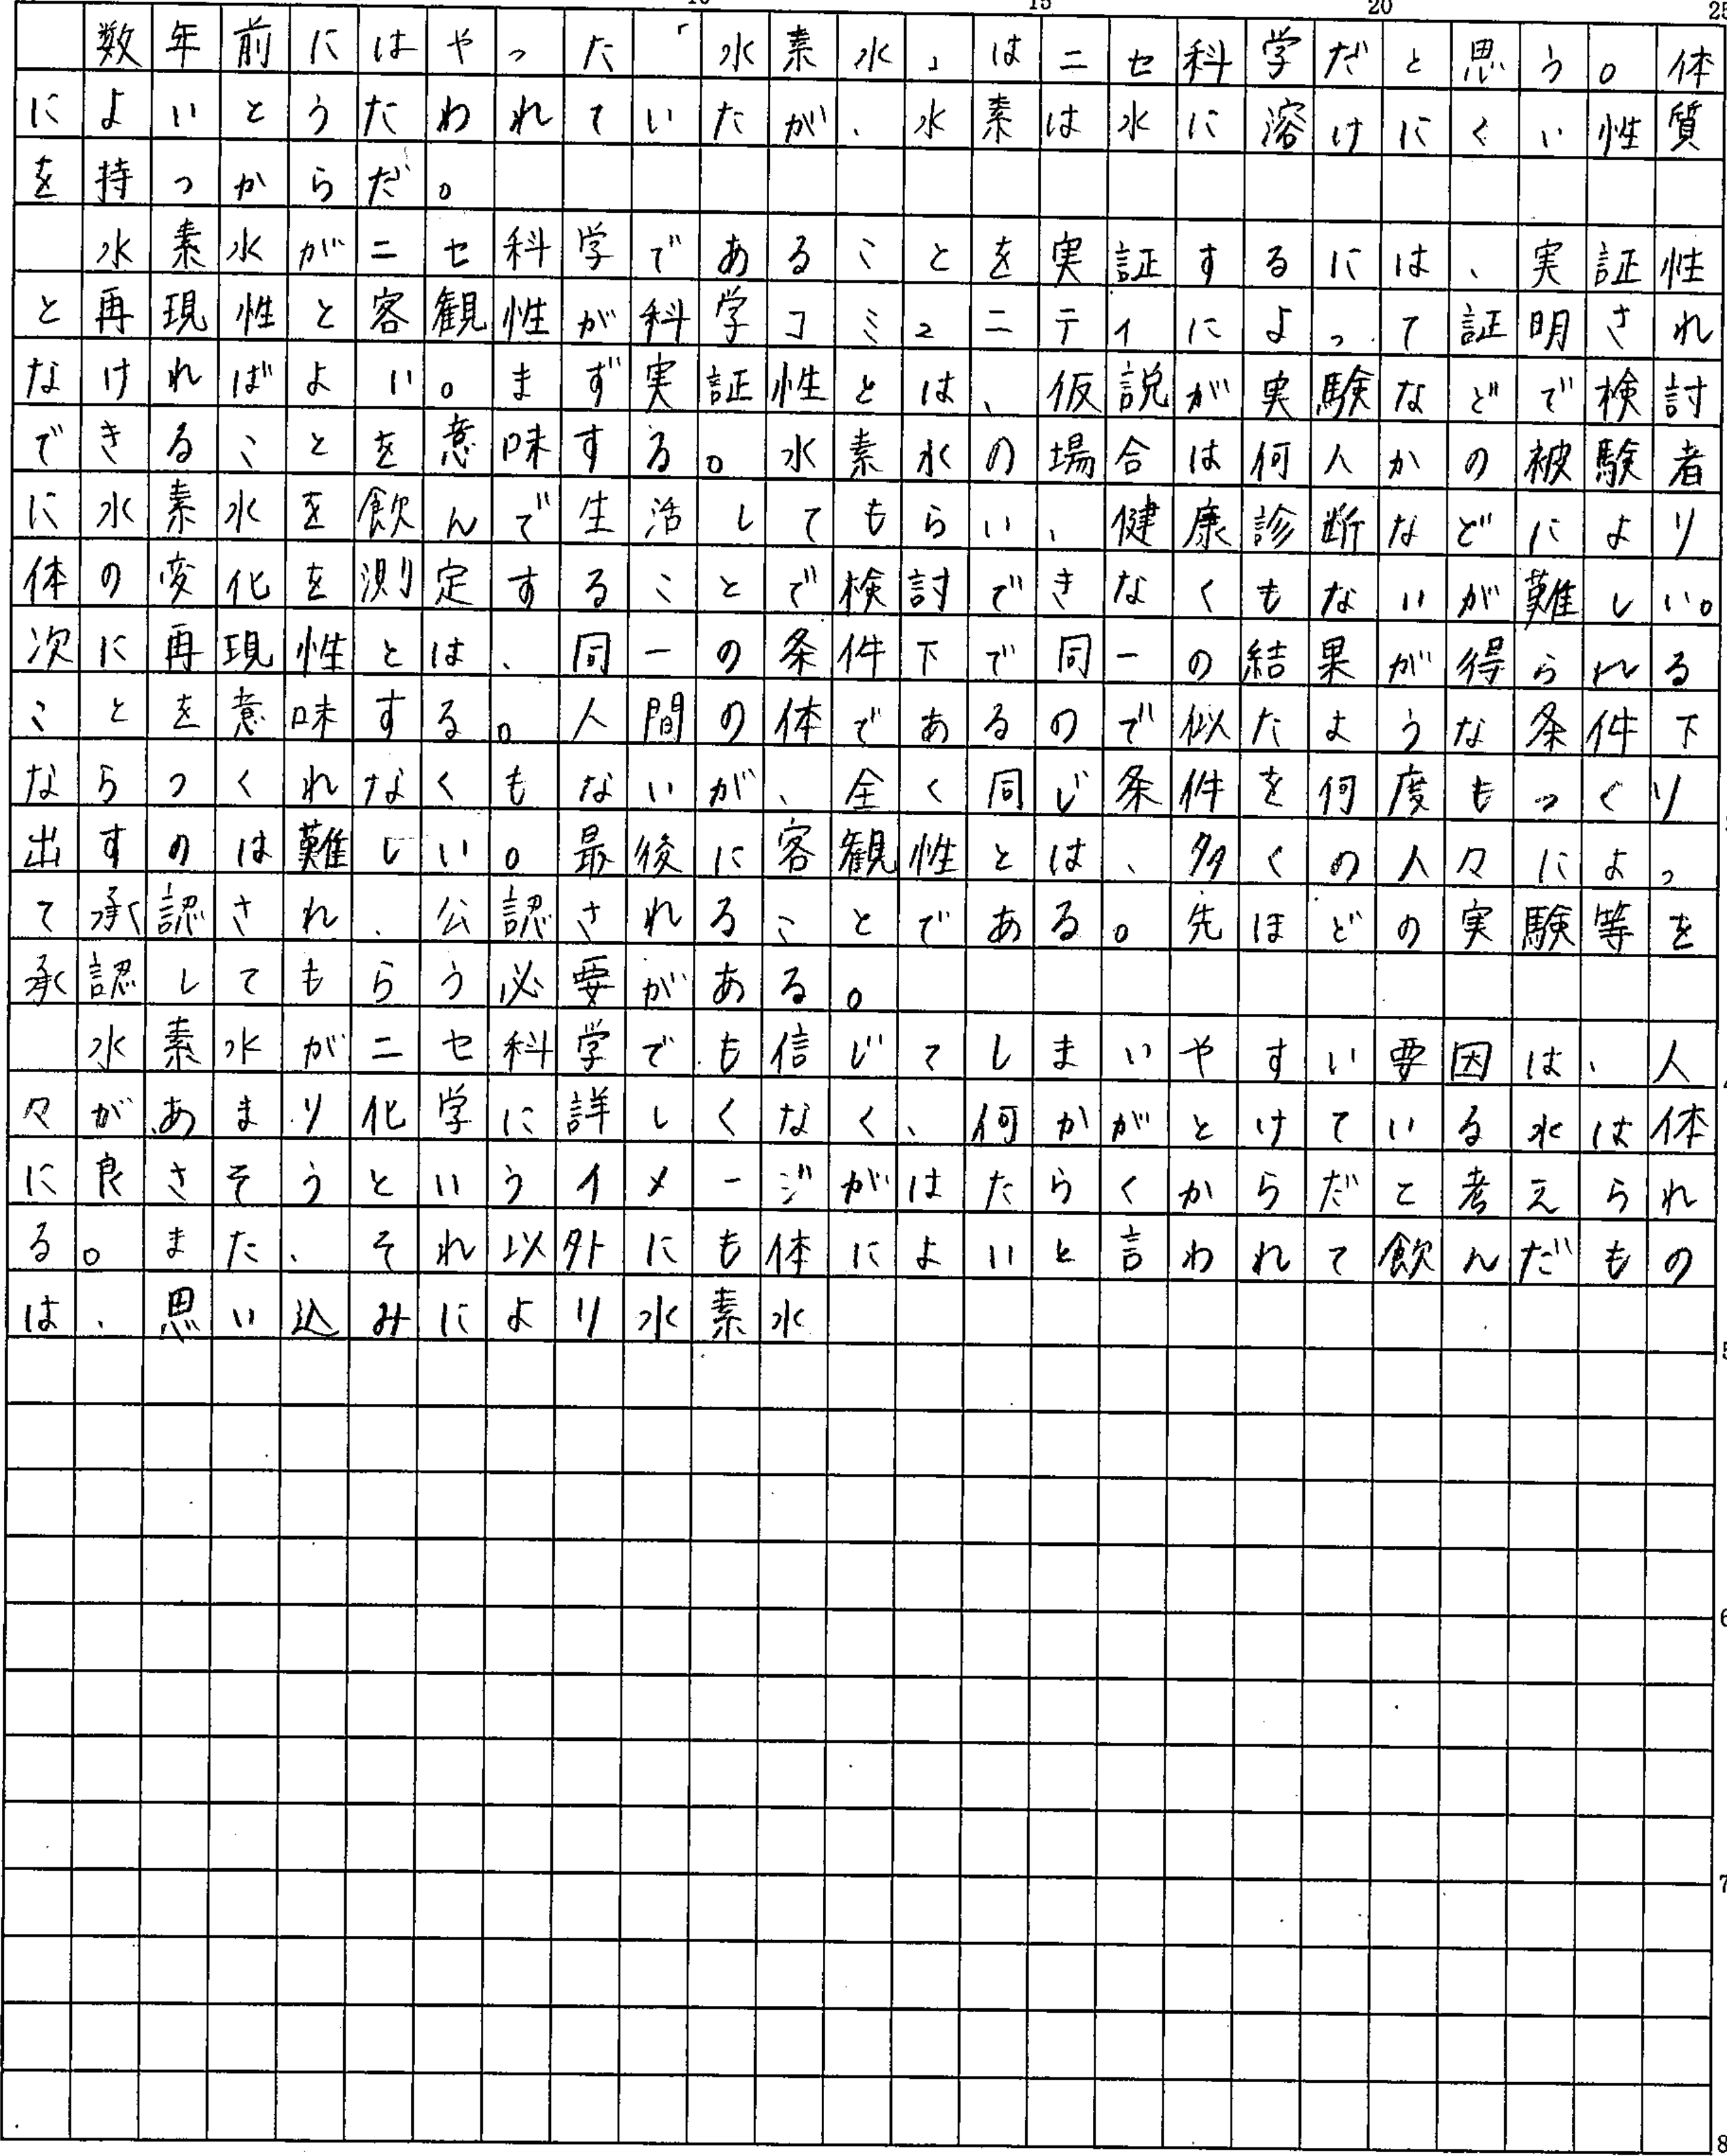　数年前にはやった「水素水」はニセ科学だと思う。体によいとうたわれていたが、水素は水に溶けにくい性質を持つからだ。
　水素水がニセ科学であることを実証するには、実証性と再現性と客観性が科学コミュニティによって証明されなければよい。まず実証性とは、仮説が実験などで検討できることを意味する。水素水の場合は何人かの被験者に水素水を飲んで生活してもらい、健康診断などにより体の変化を測定することで検討できなくもないが難しい。次に再現性とは、同一の条件下で同一の結果が得られることを意味する。人間の体であるので似たような条件下ならつくれなくもないが、全く同じ条件を何度もつくり出すのは難しい。最後に客観性とは、多くの人々によって承認され、公認されることである。先ほどの実験等を承認してもらう必要がある。
　水素水がニセ科学でも信じてしまいやすい要因は、人々があまり化学に詳しくなく、何かがとけている水は体に良さそうというイメージがはたらくからだと考えられる。また、それ以外にも体によいと言われて飲んだものは、思い込みにより水素水
